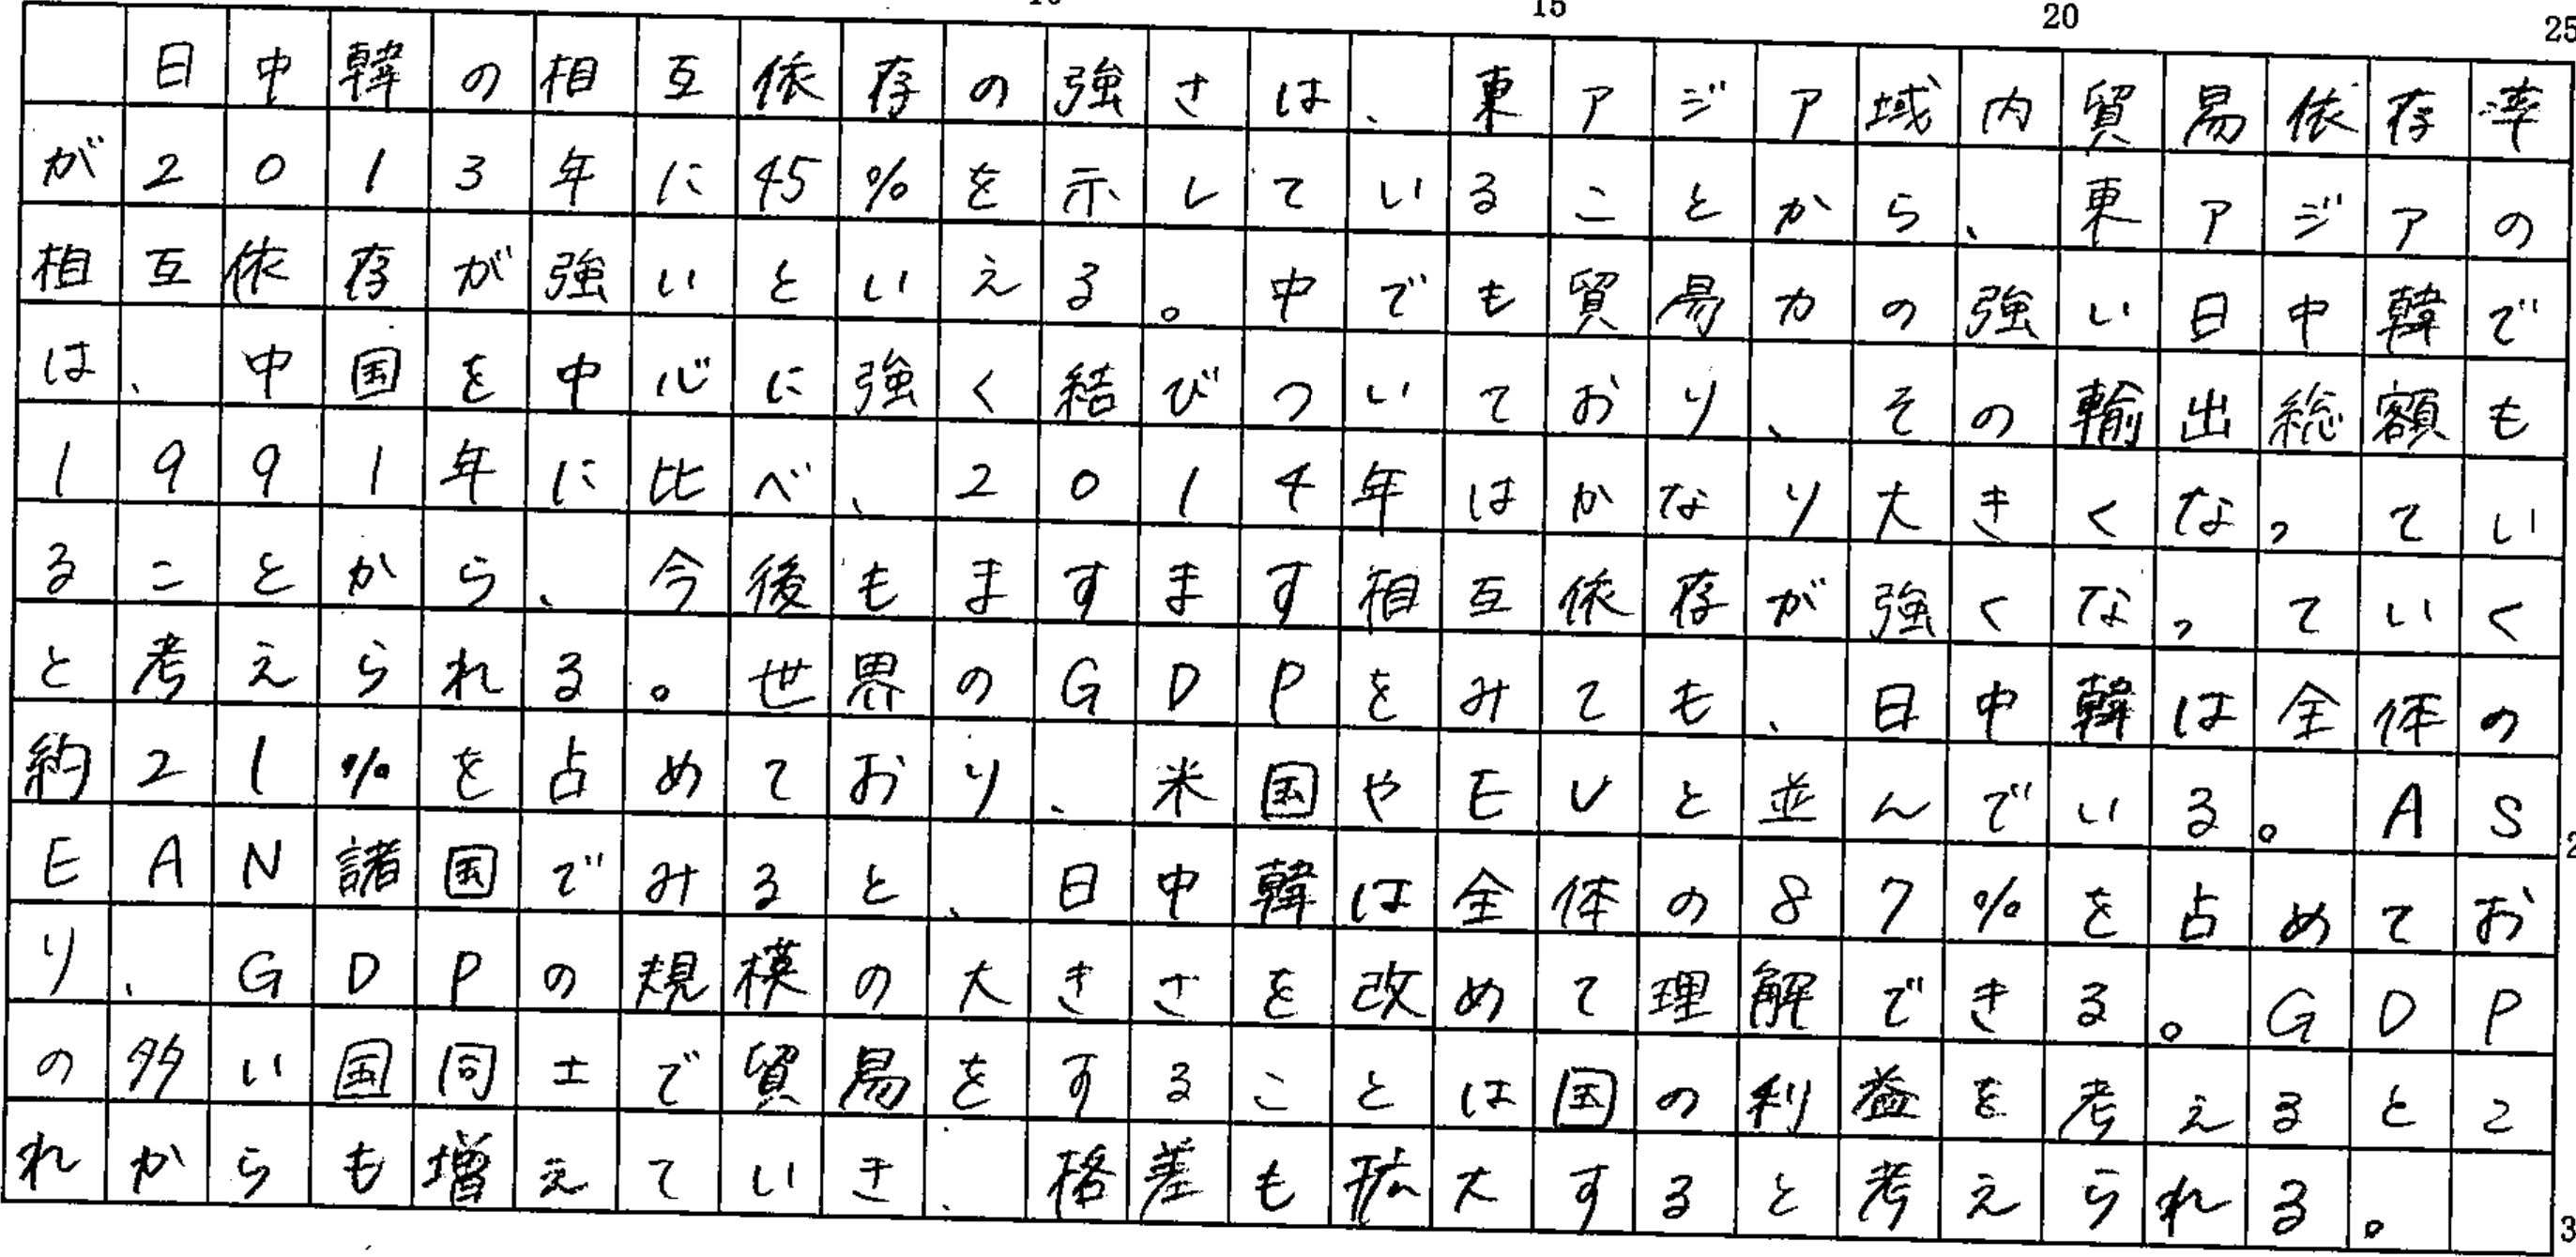　日中韓の相互依存の強さは、東アジア域内貿易依存率が２０１３年に45％を示していることから、東アジアの相互依存が強いといえる。中でも貿易力の強い日中韓では、中国を中心に強く結びついており、その輸出総額も１９９１年に比べ、２０１４年はかなり大きくなっていることから、今後もますます相互依存が強くなっていくと考えられる。世界のＧＤＰをみても、日中韓は全体の約２１％を占めており、米国やＥＵと並んでいる。ＡＳＥＡＮ諸国でみると、日中韓は全体の８７％を占めており、ＧＤＰの規模の大きさを改めて理解できる。ＧＤＰの多い国同士で貿易をすることは国の利益を考えるとこれからも増えていき、格差も拡大すると考えられる。
